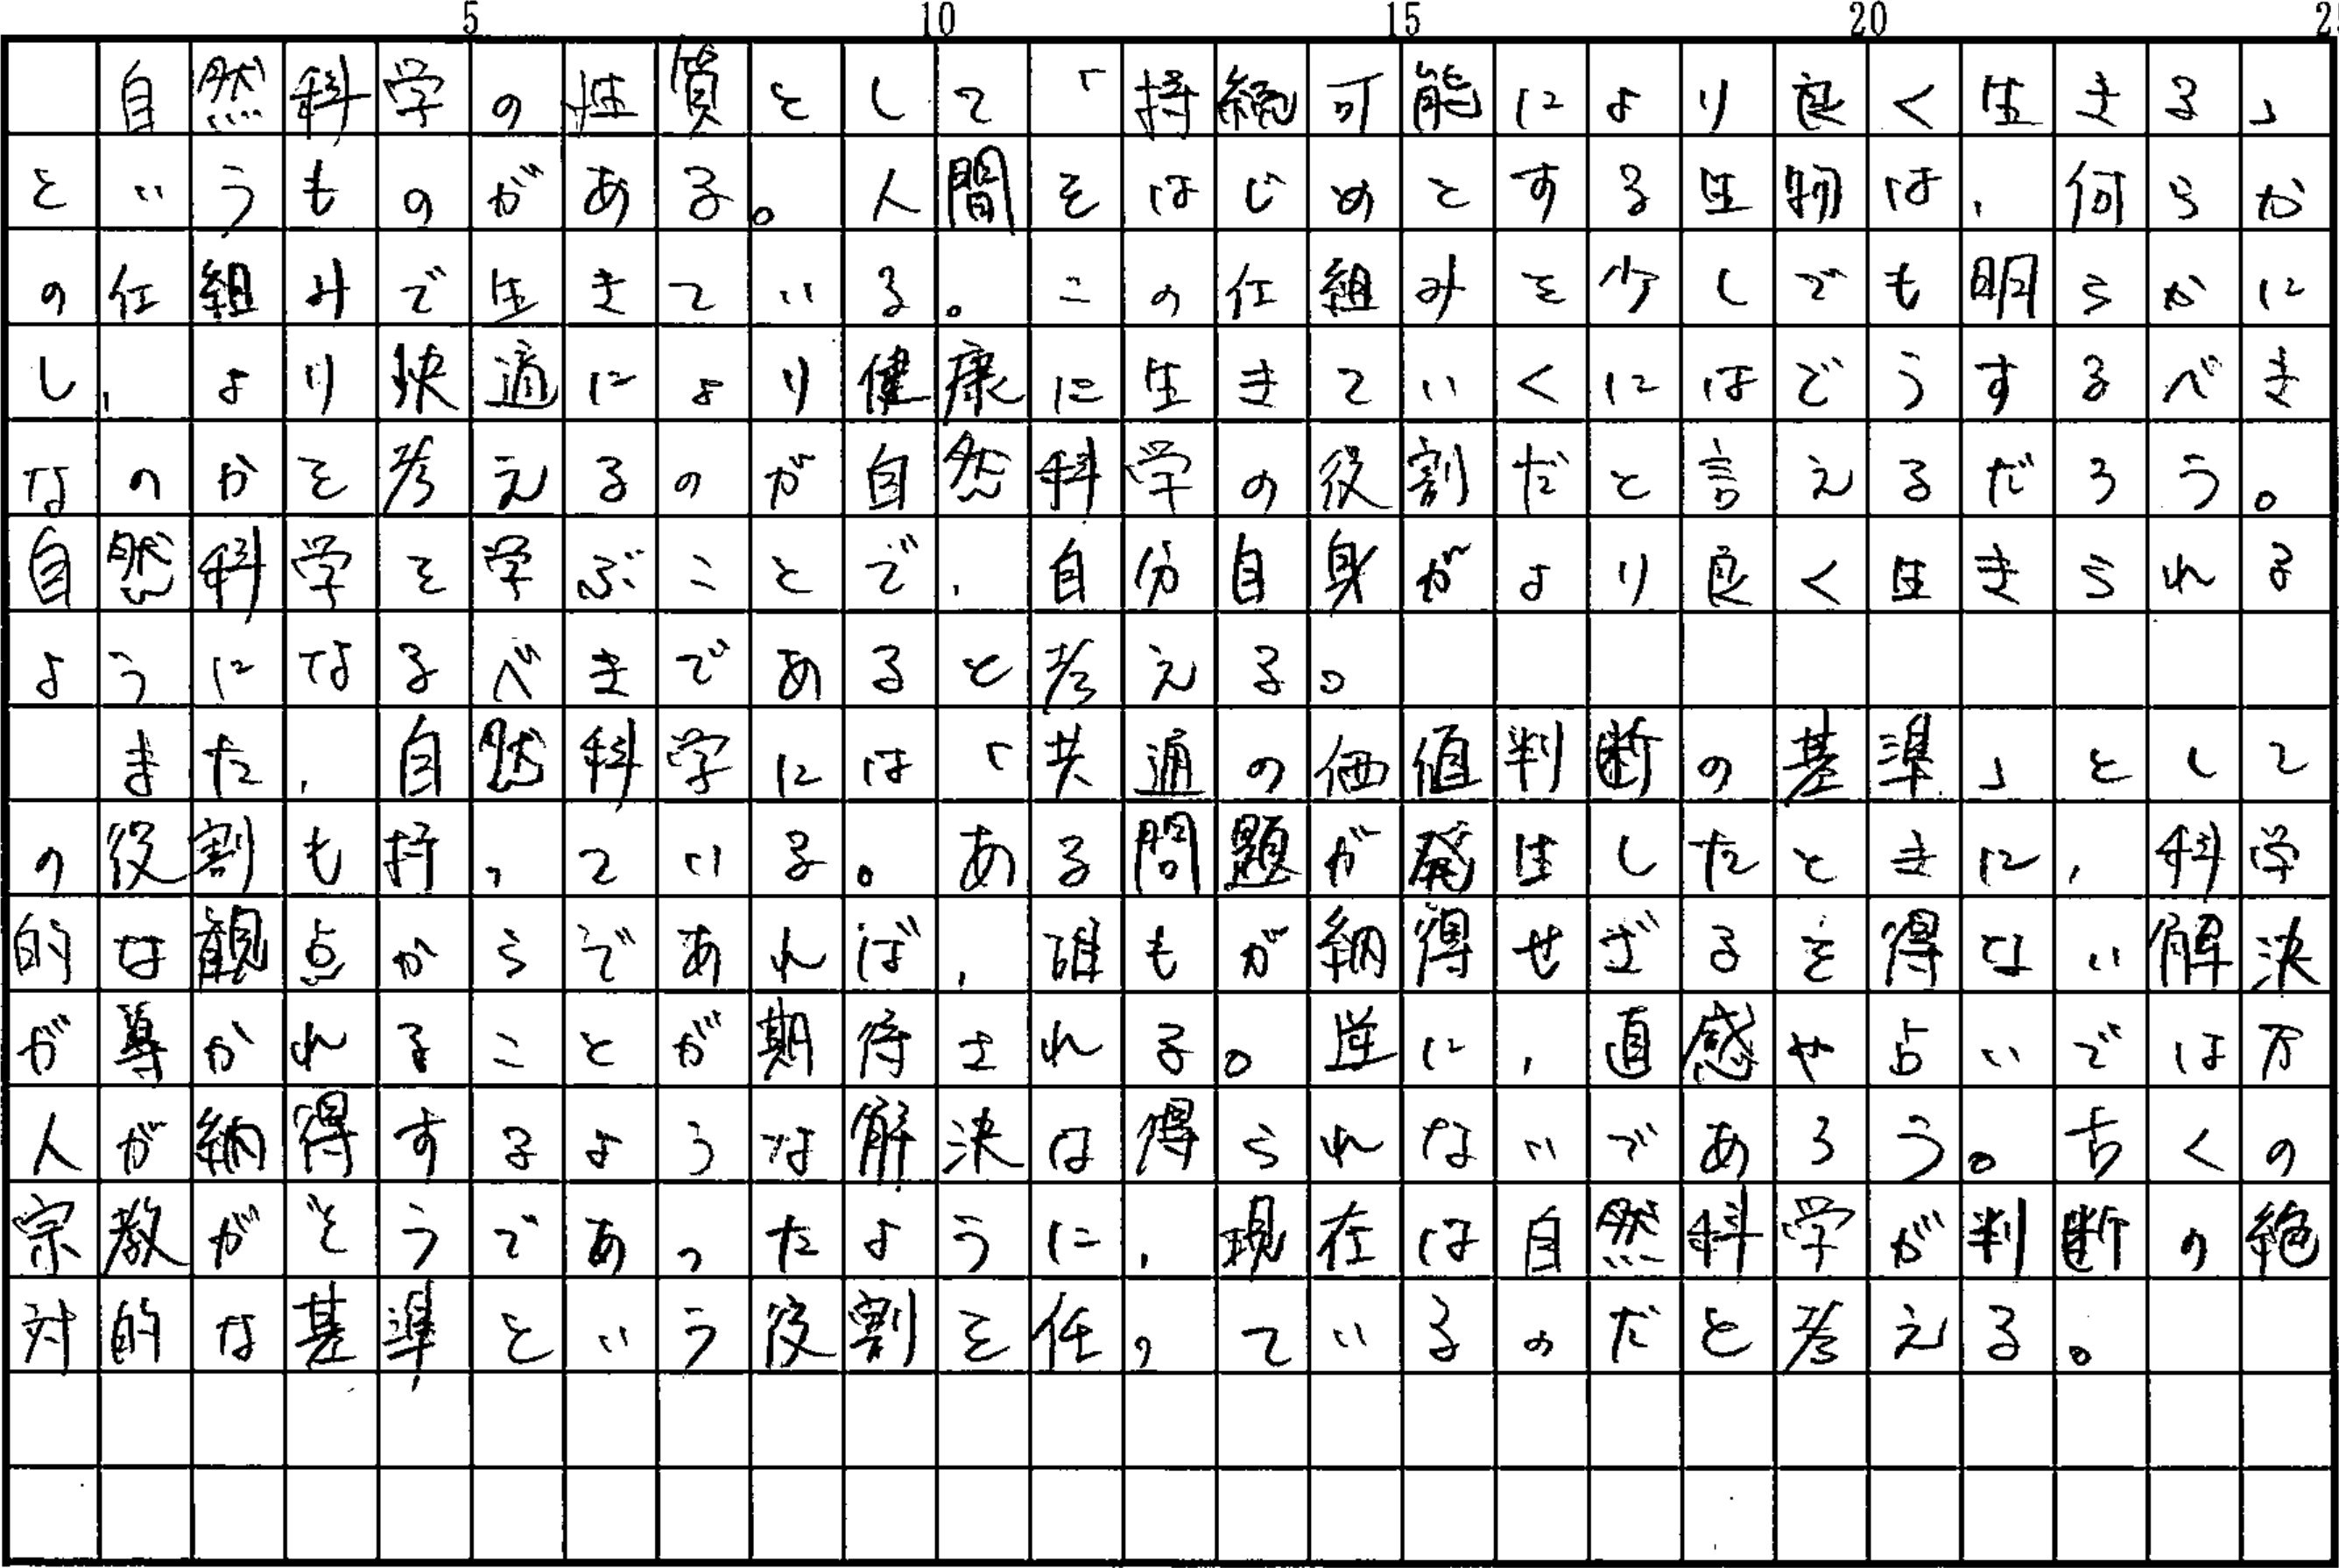　自然科学の性質として「持続可能により良く生きる」というものがある。人間をはじめとする生物は、何らかの仕組みで生きている。この仕組みを少しでも明らかにし、より快適により健康に生きていくにはどうするべきなのかを考えるのが自然科学の役割だと言えるだろう。自然科学を学ぶことで、自分自身がより良く生きられるようになるべきであると考える。
　また、自然科学には「共通の価値判断の基準」としての役割も持っている。ある問題が発生したときに、科学的な観点からであれば、誰もが納得せざるを得ない解決が導かれることが期待される。逆に、直感や占いでは万人が納得するような解決は得られないであろう。古くの宗教がそうであったように、現在は自然科学が判断の絶対的な基準という役割を任っているのだと考える。
